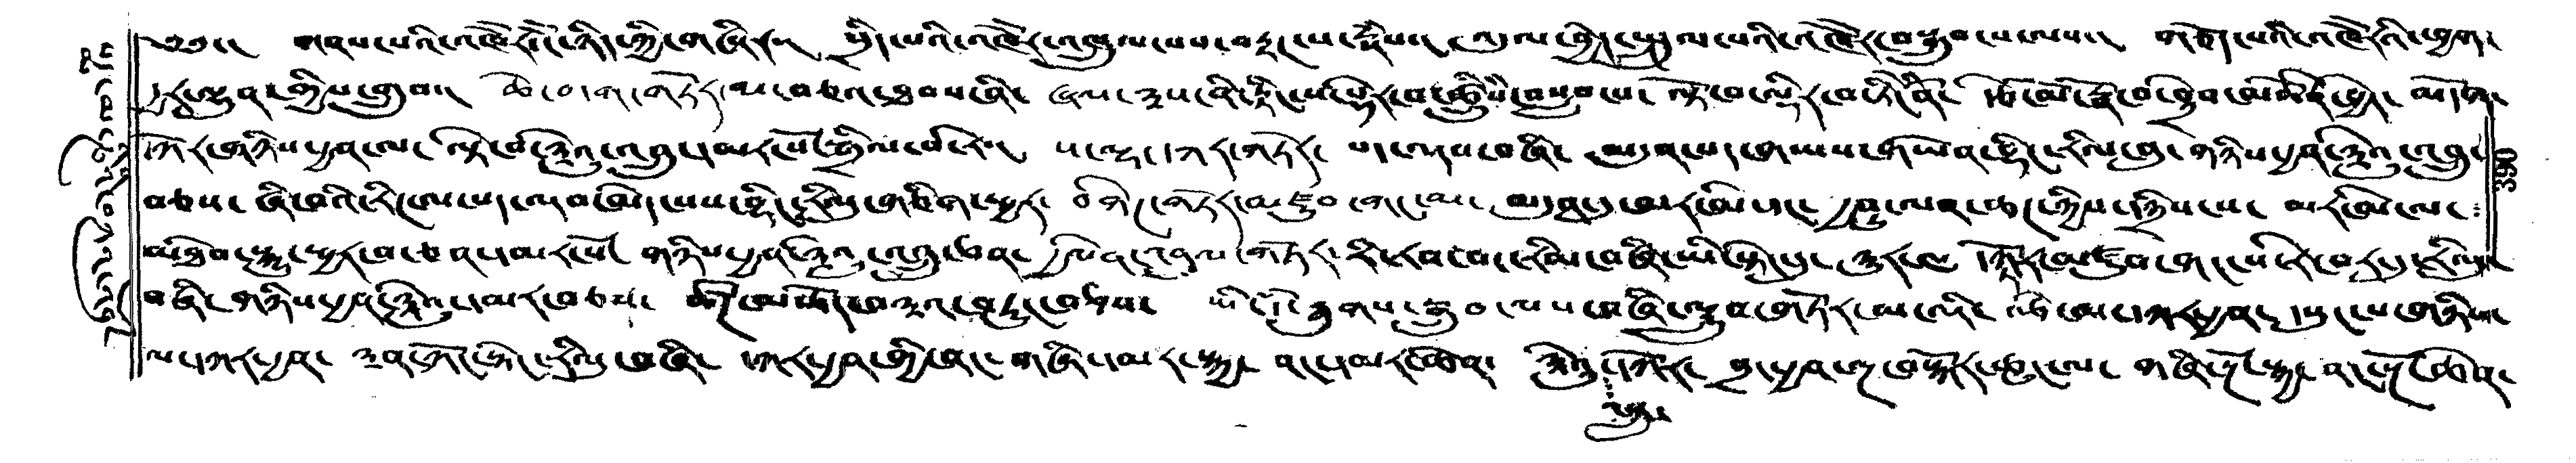གནས་པའི་འཁོར་ལོ་ངོ་བོ་ཉིད་ཀྱི་གཞིར། །སྲིད་པའི་འཁོར་ལོ་འཁྲུལ་པས་བརྟགས་པ་རྣམས། །འདུལ་བྱེད་སྤྲུལ་པའི་འཁོར་ལོ་བསྒྲུབ་པ་ལས། །གཅོད་པའི་འཁོར་ལོའི་ཕྱག་
རྒྱར་ལྷུན་གྱིས་གྲུབ། ཚེ་བདག་གཏོར་མ་བཅའ་ཐབས་ནི། ཞལ་ཟས་ནི་རྟིང་པ་སྡེར་བ་ཚུལ་ཁྲིམས་བསླབ་པ། ལྟོ་བ་ལྡིར་བ་ཏིང་ངེ་འཛིན། རྩེ་མོ་རྣོ་བ་ཤེས་རབ་མཚོན་བྱེད། མདོག་
དཀར་པོ་གཉིས་རྒྱན་ལ། ལྟེ་བ་ཟཻའུ་འབྲུ་དམར་པོ་བསྒྲིལ་བ་རེ། ས་ལྷ་དཀར་གཏོར། པད་འདབ་བཞི། མདུན་པད་གཡས་གཡོན་བྷ་ལིང་རིལ་བུ་གཉིས་རྒྱན་ཟེའུ་འབྲུ་
བཅས། ཞི་བའི་རིགས་ལ་པད་འདབ་མེད་པས་བྷ་ལིང་རིལ་བུ་གཅིག་སྦྱར། བགེགས་གཏོར་མཛུབ་གང་མ། མདུན་དུ་མར་མེ་དང་། རྒྱབ་ཏུ་ལན་ཆགས་ཀྱིས་དཀྲིས་པ། མར་མེ་ལ་
མཐེབ་སྐྱུ་སྦྱར་བ་ཅན་དམར་པོ་གཉིས་རྒྱན་ཟེའུ་འབྲུ་ཅན། རྒྱལ་ཆེན་འབུལ་གཏོར་རི་རབ་བང་རིམ་བཞི་ཡི་སྟེང་དུ། ཟུར་བཞི་དཀར་གཏོར་མཛུབ་གང་བ་རེ་བར་དུ་རིལ་བུ་
བཞི་གཉིས་རྒྱན་ཟེའུ་དམར་བཅས། ཚོགས་མཆོད་བཟའ་བཏུང་བཅས། ཡི་དམ་ཐུགས་སྒྲུབ་ལས་བཞི་ལྷུན་གྲུབ་གཏོར་མ་འདི་རྩེ་ལ་དཀར་རྒྱན། དཔུང་པ་གཉིས་
ལ་དཀར་རྒྱན། ཟན་ཀོང་སྟེང་དུ་རིལ་བུ་བཞི། དཀར་རྒྱན་གྱི་ནང་གཞི་དམར་སྐྱ། ནང་དམར་ཆེན། ཟེའུ་འབྲུ་དཀར་པོ། བྲང་རྒྱན་ལྔ་བསྐོར་ཆུང་ལ། གཞི་སྔོ་སྐྱ་ནང་སྔོ་ཆེན་